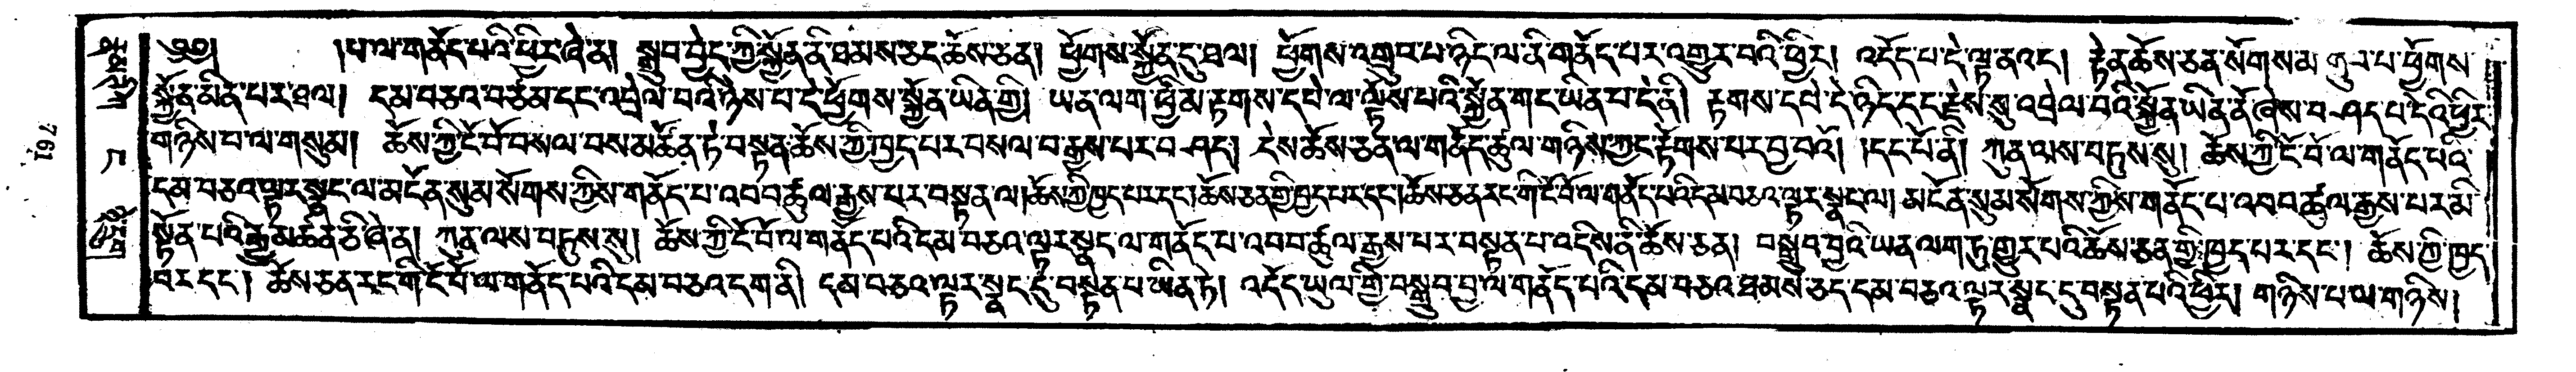༄༅། །པ་ལ་གནོད་པའི་ཕྱིར་ཞེ་ན། སྒྲུབ་བྱེད་ཀྱི་སྐྱོན་ནི་ཐམས་ཅད་ཆོས་ཅན། ཕྱོགས་སྐྱོན་དུ་ཐལ། ཕྱོགས་འགྲུབ་པ་ཉིད་ལ་ནི་གནོད་པར་འགྱུར་བའི་ཕྱིར། འདོད་པ་དེ་ལྟ་ནའང་། རྟེན་ཆོས་ཅན་སོགས་མ་གྲུབ་པ་ཕྱོགས་
སྐྱོན་མིན་པར་ཐལ། དམ་བཅའ་བ་ཙམ་དང་འབྲེལ་བའི་ཉེས་པ་དེ་ཕྱོགས་སྐྱོན་ཡིན་གྱི། ཡན་ལག་ཕྱི་མ་རྟགས་དཔེ་ལ་ལྟོས་པའི་སྐྱོན་གང་ཡིན་པ་དེ་ནི། རྟགས་དཔེ་དེ་ཉིད་དང་རྗེས་སུ་འབྲེལ་བའི་སྐྱོན་ཡིན་ནོ་ཞེས་བཤད་པ་དེའི་ཕྱིར་
གཉིས་པ་ལ་གསུམ། ཆོས་ཀྱི་ངོ་བོ་བསལ་བས་མཚོན་ཏེ་བསྟན་ཆོས་ཀྱི་ཁྱད་པར་བསལ་བ་རྒྱས་པར་བཤད། དེས་ཆོས་ཅན་ལ་གནོད་ཚུལ་གཉིས་ཀྱང་རྟོགས་པར་བྱ་བའོ། །དང་པོ་ནི། ཀུན་ལས་བཏུས་སུ། ཆོས་ཀྱི་ངོ་བོ་ལ་གནོད་པའི་
དམ་བཅའ་ལྟར་སྣང་ལ་མངོན་སུམ་སོགས་ཀྱིས་གནོད་པ་འབབ་ཚུལ་རྒྱས་པར་བསྟན་ལ་།ཆོས་ཀྱི་ཁྱད་པར་དང་། ཆོས་ཅན་གྱི་ཁྱད་པར་དང་། ཆོས་ཅན་རང་གི་ངོ་བོ་ལ་གནོད་པའི་དམ་བཅའ་ལྟར་སྣང་ལ། མངོན་སུམ་སོགས་ཀྱིས་གནོད་པ་འབབ་ཚུལ་རྒྱས་པར་མི་
སྟོན་པའི་རྒྱུ་མཚན་ཅི་ཞེ་ན། ཀུན་ལས་བཏུས་སུ། ཆོས་ཀྱི་ངོ་བོ་ལ་གནོད་པའི་དམ་བཅའ་ལྟར་སྣང་ལ་གནོད་པ་འབབ་ཚུལ་རྒྱས་པར་བསྟན་པ་འདིས་ནི་ཆོས་ཅན། བསྒྲུབ་བྱའི་ཡན་ལག་ཏུ་གྱུར་པའི་ཆོས་ཅན་གྱི་ཁྱད་པར་དང་། ཆོས་ཀྱི་ཁྱད་
པར་དང་། ཆོས་ཅན་རང་གི་ངོ་བོ་ལ་གནོད་པའི་དམ་བཅའ་དག་ནི། དམ་བཅའ་ལྟར་སྣང་དུ་བསྟན་པ་ཡིན་ཏེ། འདོད་ཡུལ་གྱི་བསྒྲུབ་བྱ་ལ་གནོད་པའི་དམ་བཅའ་ཐམས་ཅད་དམ་བཅའ་ལྟར་སྣང་དུ་བསྟན་པའི་ཕྱིར། གཉིས་པ་ལ་གཉིས།